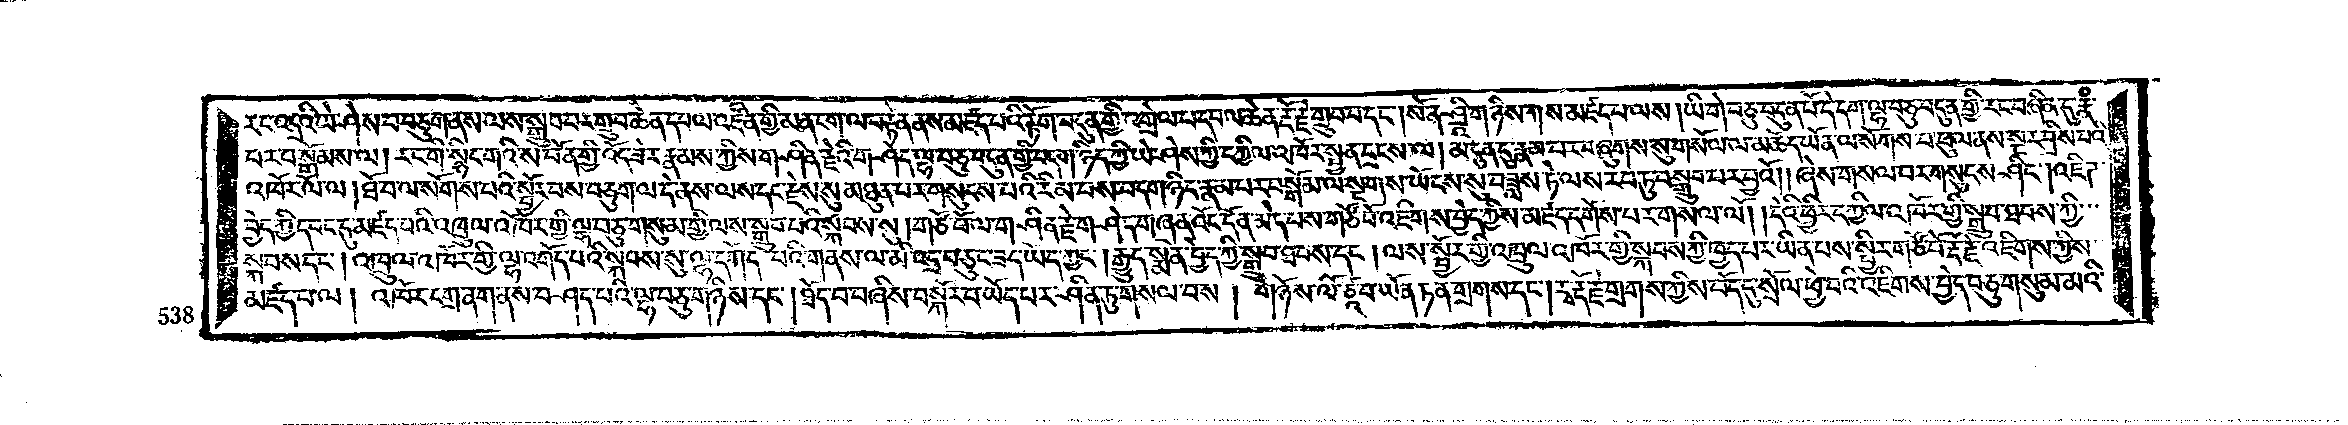རང་འདའི་ཡེ་ཤེས་པ་བཅུག་ནས་ལས་སྒྲུབ་པར་གྲུབ་ཆེན་དཔལ་འཛིན་གྱི་མན་ངག་ལ་བརྟེན་ནས་མཛད་པའི་རྟོག་བདུན་གྱི་འགྲེལ་པ་དཔལ་ཆེན་རྡོ་རྗེ་གྲུབ་པ་དང་། སོ་ན་ཤྲཱི་གཉིས་ཀས་མཛད་པ་ལས། ཡི་གེ་བཅུ་བདུན་པོ་དེ་དག་ལྷ་བཅུ་བདུན་གྱི་རང་བཞིན་དུ་རྣམས་
པར་བསྒོམས་ལ། རང་གི་སྙིང་གའི་ས་བོན་གྱི་འོད་ཟེར་རྣམས་ཀྱིས་གཤིན་རྗེའི་གཤེད་ལྷ་བཅུ་བདུན་གྱི་བདག་ཉིད་ཀྱི་ཡེ་ཤེས་ཀྱི་དཀྱིལ་འཁོར་སྤྱན་དྲངས་ལ། མདུན་དུ་རྣམ་པར་བཞུགས་སུ་གསོལ་ལ་མཆོད་ཡོན་ལ་སོགས་པ་ཕུལ་ནས་སྔར་བྲིས་པའི་
འཁོར་ལོ་ལ། ཐོ་བ་ལ་སོགས་པའི་སྦྱོར་བས་བཅུག་ལ་དེ་ནས་ལས་དང་རྗེས་སུ་མཐུན་པར་གསུངས་པའི་རིམ་པས་བདག་ཉིད་རྣམ་པར་བསྒོམ་ལ་སྔགས་ཡོངས་སུ་བཟླས་ཏེ་ལས་རབ་ཏུ་བསྒྲུབ་པར་བྱའོ། །ཞེས་གསལ་བར་གསུངས་ཤིང་། འཇིགས་
བྱེད་ཀྱི་དབང་དུ་མཛད་པའི་འཁྲུལ་འཁོར་གྱི་ལྷ་བཅུ་གསུམ་གྱི་ལས་སྒྲུབ་པའི་སྐབས་སུ། གཙོ་བོ་ལ་གཤིན་རྗེ་གཤེད་གཞན་འོང་དོན་མེད་པས་གཙོ་བོ་འཇིགས་བྱེད་ཀྱིས་མཛད་དགོས་པར་གསལ་ལོ། །དེའི་ཕྱིར་དཀྱིལ་འཁོར་གྱི་སྒྲུབ་ཐབས་ཀྱི་
སྐབས་དང་། འཁྲུལ་འཁོར་གྱི་ལྷ་འགོད་པའི་སྐབས་སུ་ལྷ་དགོད་པའི་གནས་ལ་མི་འདྲ་བ་ཅུང་ཟད་ཡོད་ཀྱང་། རྒྱུད་སྨིན་བྱེད་ཀྱི་སྒྲུབ་ཐབས་དང་། ལས་སྦྱོར་གྱི་འཁྲུལ་འཁོར་གྱི་སྐབས་ཀྱི་ཁྱད་པར་ཡིན་པས་སྤྱིར་གཙོ་བོ་རྡོ་རྗེ་འཇིགས་ཀྱིས་
མཛད་པ་ལ། འཁོར་དགྲ་ནག་ནས་བཤད་པའི་ལྷ་བཅུ་གཉིས་དང་། ཐོད་པ་བཞིས་བསྐོར་བ་ཡོད་པར་ཤིན་ཏུ་གསལ་བས། གཉོས་ལོ་ཙཱ་བ་ཡོན་ཏན་གྲགས་དང་། རྭ་རྡོ་རྗེ་གྲགས་ཀྱིས་བོད་དུ་སྲོལ་ཕྱེ་བའི་འཇིགས་བྱེད་བཅུ་གསུམ་མའི་